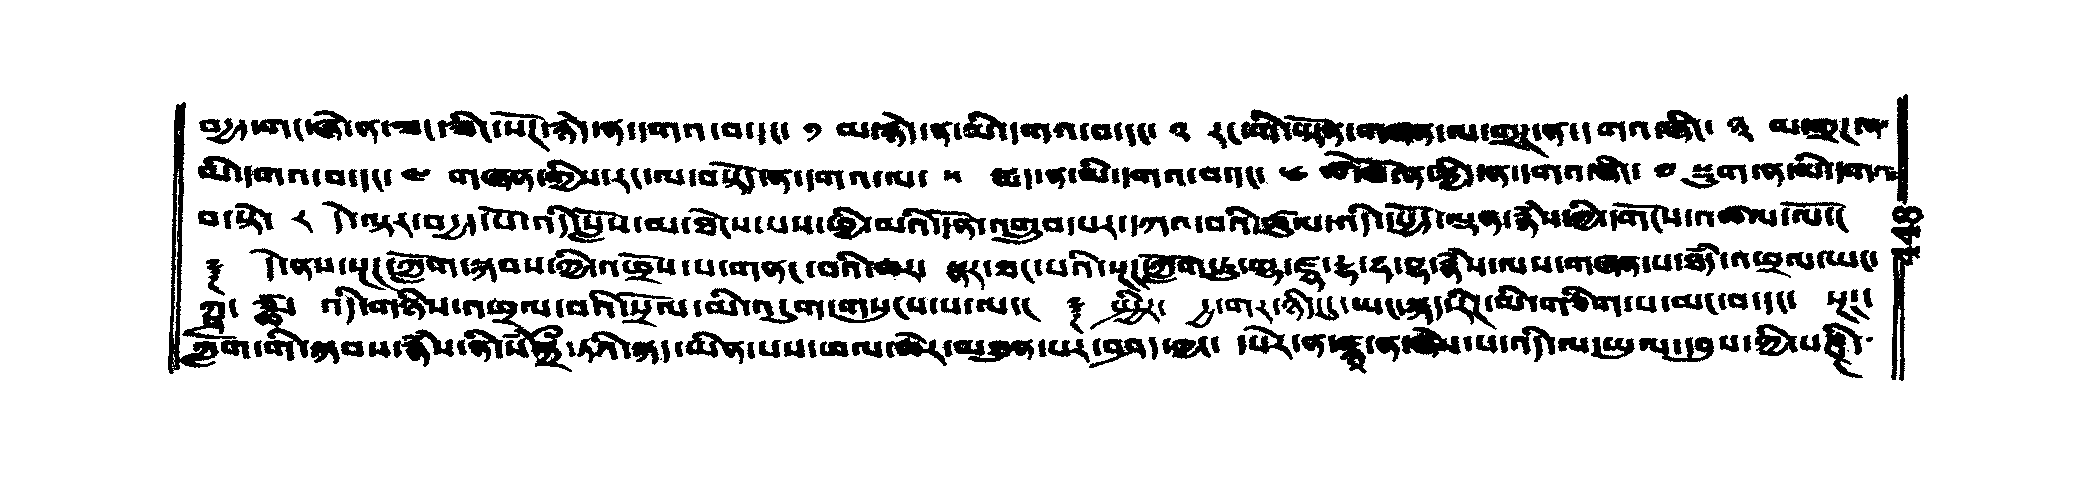བརྒྱད་གང་ཞེ་ན་ཟང་ཟིང་སོགས་རྙེད་ན་དགའ་བ་དང་། མ་རྙེད་ན་མི་དགའ་བ་དང་། རང་གི་ཡོན་ཏན་གཞན་ལ་གྲགས་ན་དགའ་ཞིང་མ་གྲགས་ན་
མི་དགའ་བ་དང་། གཞན་གྱིས་རང་ལ་བསྟོད་ན་དགའ་ལ། སྨད་ན་མི་དགའ་བ་དང་། ཚེ་ཁོ་ན་སྐྱིད་ན་དགའ་ཞིང་། སྡུག་ན་མི་དགའ་
བ་སྟེ། དེ་ལྟར་བརྒྱད་པོ་འདི་བློས་མ་ཐོངས་པས་ཕྱི་མའི་དོན་འགྲུབ་པར་དཀའ་བའི་ཚུལ་འདི་དཔྱོད་ལྡན་རྣམས་ཀྱི་དགོངས་འཚལ་ལོ།། 
དེ་ནས་སྔགས་ཀློག་སྐབས་ཀྱི་འཕྲོས་པ་གནང་བའི་ཆར། སྣར་ཐང་པའི་སྔགས་ཀློག་ཏུ་གྷ་ཛྷ་དྷ་བྷ་རྣམས་ལས་གཞན་པ་ཐམས་ཅད་འཕྲལ་ཡང་
ཀྴ་ཙྪ། འདི་གཉིས་འཕྲལ་བའི་སྲོལ་མི་འདུག་གསུངས་པ་ལ། སྤྱིར་རྒྱ་གར་ཉིད་དུ་ཡང་སྐད་རིགས་མི་གཅིག་པ་མང་བ་དང་། སྔགས་
ཀློག་གི་སྐབས་རྣམས་ནི་སཾ་སྐྲིཏའི་སྐད་ཡིན་པས་ཕལ་ཆེར་མཐུན་པར་བཤད་ཀྱང་། དཔེར་ན་ཛྙཱ་ན་ཞེས་པ་འདི་ལ་ཡུལ་དབུས་ཀྱི་པཎྜི་ཏ་